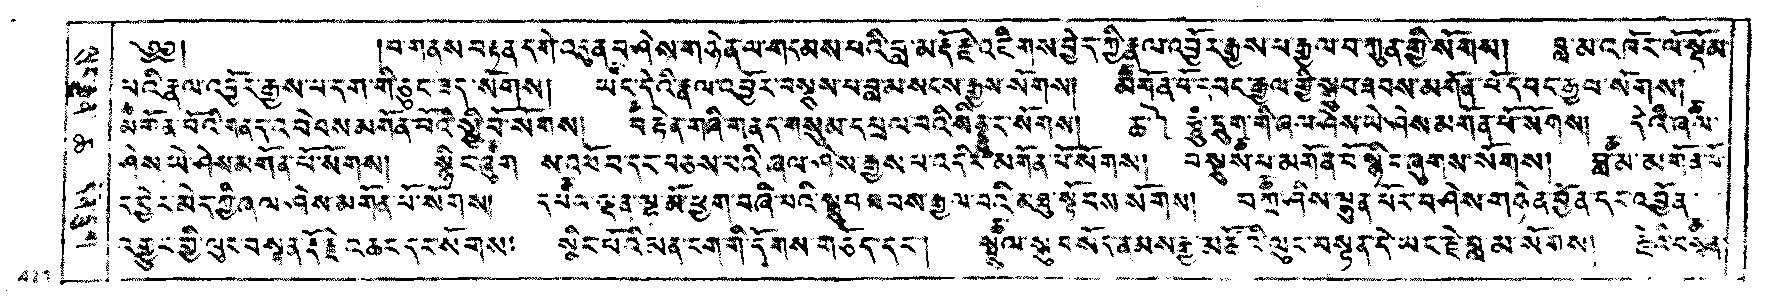༄༅། །པ་གནས་བརྟན་དགེ་འདུན་བཤེས་གཉེན་ལ་གདམས་པའི་བླ་མ་རྡོ་རྗེ་འཇིགས་བྱེད་ཀྱི་རྣལ་འབྱོར་རྒྱས་པ་རྒྱལ་བ་ཀུན་གྱི་སོགས། བླ་མ་འཁོར་ལོ་སྡོམ་
པའི་རྣལ་འབྱོར་རྒྱས་པ་དག་གི་ཅུང་ཟད་སོགས། ཡང་ཇ་དེའི་རྣལ་འབྱོར་བསྡུས་པ་བླ་མ་སངས་རྒྱས་སོགས། ཆ་མགོན་པོ་དབང་རྒྱལ་གྱི་སྒྲུབ་ཐབས་མགོན་པོ་དབང་རྒྱལ་སོགས།
ཆ་མགོན་པོའི་གནད་འབེབས་མགོན་པོའི་སྤྱི་བོ་སོགས། བརྟེན་ཆ་གཞི་གནད་གསུམ་དཔྲལ་བའི་སིནྡྷཱུ་ར་སོགས། ཆ྄་ཧཱུཾ་དྲུག་གི་ཞལ་ཤེས་ཡེ་ཤེས་མགོན་པོ་སོགས། དེའི་ཞལ་ཆ་
ཤེས་ཡེ་ཤེས་མགོན་པོ་སོགས། སྙིང་ཞུག་ཆ་ས་འཕོ་བ་དང་བཅས་པའི་ཞལ་ཤེས་རྒྱས་པ་འདིར་མགོན་པོ་སོགས། བསྡུས་པ་མགོན་པོ་སྙིང་ཞུགས་སོགས། བླ་ཆ་མ་མགོན་པོ་
དབྱེར་མེད་ཀྱི་ཞལ་ཤེས་མགོན་པོ་སོགས། དཔལ་ཆ་ལྡན་ལྷ་མོ་ཕྱག་བཞི་པའི་སྒྲུབ་ཐབས་རྒྱལ་བའི་མཐུ་སྟོབས་སོགས། བཀྲ་ཆ་ཤིས་ལྷུན་པོར་བཤེས་གཉེན་བྱོན་དང་འབྱོན་
འགྱུར་གྱི་ལུང་བསྟན་རྡོ་རྗེ་འཆང་དང་སོགས། སྙིང་པོའི་མན་ངག་གི་དྭོགས་གཅོད་དང་། སྤྲུལ་ཆ་སྐུ་བསོད་ནམས་རྒྱ་མཚོའི་ལུང་བསྟན་དེ་ཡང་རྗེ་བླ་མ་སོགས། རྗེའི་བསྟན་ཆ་